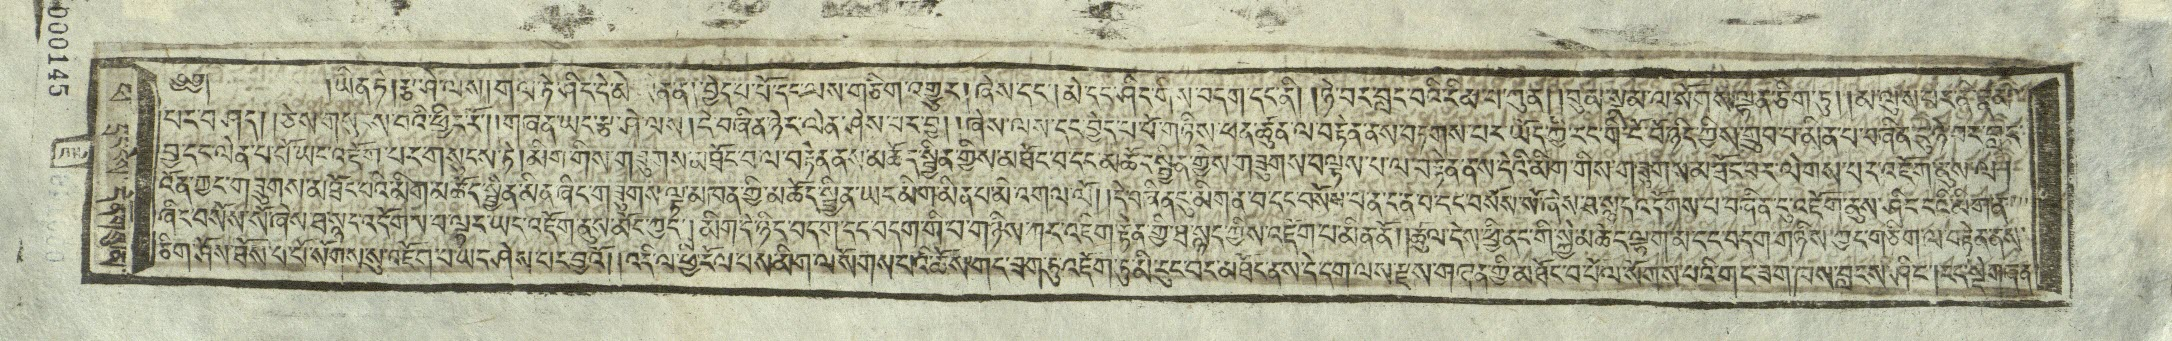༄༅། །ཡིན་ཏེ། རྩ་ཤེ་ལས། གལ་ཏེ་ཤིང་དེ་མེ་ཡིན་ན། བྱེད་པ་པོ་དང་ལས་གཅིག་འགྱུར། ཞེས་དང་། མེ་དང་ཤིང་གིས་བདག་དང་ནི། །ཉེ་བར་བླང་བའི་རིམ་པ་ཀུན། །བུམ་སྣམ་ལ་སོགས་ལྷན་ཅིག་ཏུ། །མ་ལུས་པར་ནི་རྣམ་
པར་བཤད། །ཅེས་གསུངས་པའི་ཕྱིར་རོ། །གཞན་ཡང་རྩ་ཤེ་ལས། དེ་བཞིན་ཉེར་ལེན་ཤེས་པར་བྱ། །ཞེས་ལས་དང་བྱེད་པ་པོ་གཉིས་ཕན་ཚུན་ལ་བརྟེན་ནས་བཏགས་པར་ཡོད་ཀྱི་རང་གི་ངོ་བོ་ཉིད་ཀྱིས་གྲུབ་པ་མིན་པ་བཞིན་དུ་ཉེ་བར་བླང་
བྱ་དང་ལེན་པ་པོ་ཡང་འཇོག་པར་གསུངས་ཏེ། མིག་གིས་གཟུགས་མཐོང་བ་ལ་བརྟེན་ནས་མཆོད་སྦྱིན་གྱིས་མཐོང་བ་དང་མཆོད་སྦྱིན་གྱིས་གཟུགས་བལྟས་པ་ལ་བརྟེན་ནས་དེའི་མིག་གིས་གཟུགས་མཐོང་བར་ལེགས་པར་འཇོག་ནུས་ལ།
འོན་ཀྱང་གཟུགས་མཐོང་བའི་མིག་མཆོད་སྦྱིན་མིན་ཞིང་གཟུགས་ལྟ་མཁན་གྱི་མཆོད་སྦྱིན་ཡང་མིག་མིན་པ་མི་འགལ་ལོ། །དེ་བཞིན་དུ་མིག་ན་བ་དང་བསོས་པ་ན་ང་ན་བ་དང་བསོས་སོ་ཞེས་ཐ་སྙད་འདོགས་པ་བཞིན་དུ་འཇོག་ནུས་ཤིང་ངའི་མིག་ན་
ཞིང་བསོས་སོ་ཞེས་ཐ་སྙད་འདོགས་པ་ལྟར་ཡང་འཇོག་ནུས་མོད་ཀྱང་། མིག་དེ་ཉིད་བདག་དང་བདག་གི་བ་གཉིས་ཀར་འཇིག་རྟེན་གྱི་ཐ་སྙད་ཀྱིས་འཇོག་པ་མིན་ནོ། །ཚུལ་དེས་ཕྱི་ནང་གི་སྐྱེ་མཆེད་ལྷག་མ་དང་བདག་གཉིས་ཀྱང་གཅིག་ལ་བརྟེན་ནས་
ཅིག་ཤོས་ཐོས་པ་པོ་སོགས་སུ་འཇོག་པ་ཡང་ཤེས་པར་བྱའོ། །འདི་ལ་ཕྱི་རོལ་པས་མིག་ལ་སོགས་པའི་ཆོས་གང་ཟག་ཏུ་འཇོག་ཏུ་མི་རུང་བར་མཐོང་ནས་དེ་དག་ལས་རྫས་གཞན་གྱི་མཐོང་བ་པོ་ལ་སོགས་པའི་གང་ཟག་ཁས་བླངས་ཤིང་། རང་སྡེ་གཞན་